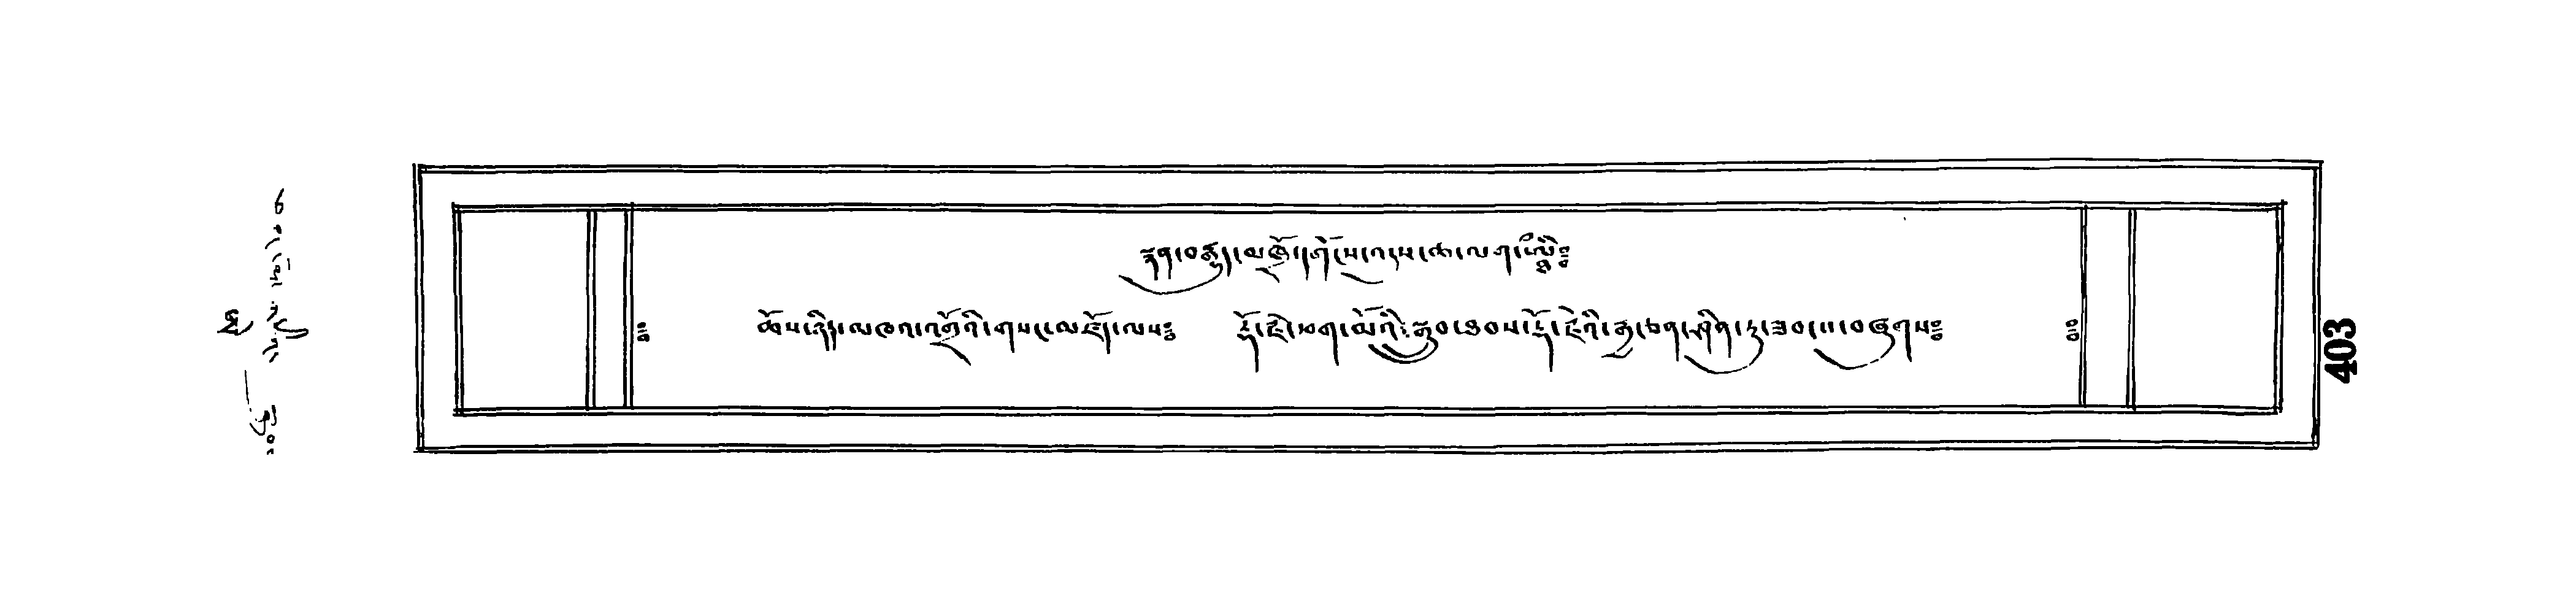སྙན་བརྒྱུད་མཁའ་འགྲོ་དགོངས་འདུས་ཆ་ལག་ཨྀ་ཐི༔ 
ཆོས་ཉིད་མཁའ་འགྲོའི་གསང་མཛོད་ལས༔ རྡོ་རྗེ་ཕག་མོའི་སྒྲུབ་ཐབས་རྡོ་རྗེའི་རྒྱ་ཅན་ཤིན་ཏུ་ཟབ་པ་བཞུགས༔